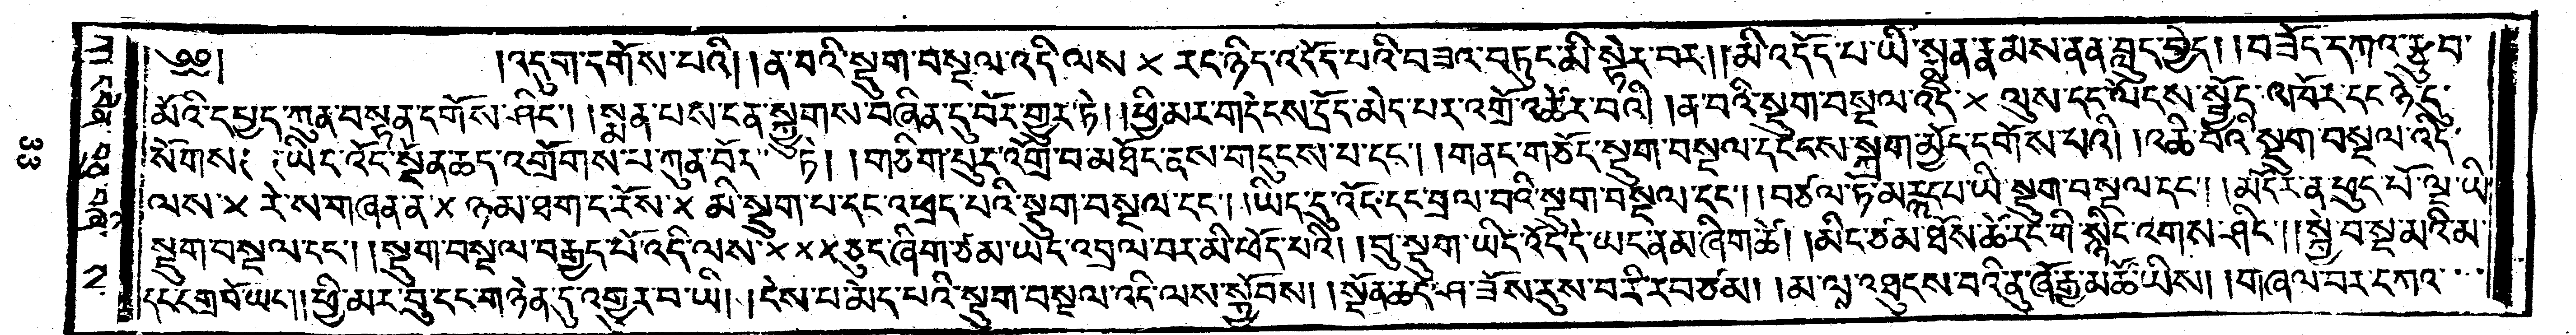༄༅། །འདུག་དགོས་པའི། །ན་བའི་སྡུག་བསྔལ་འདི་ལས་྾་རང་ཉིད་འདོད་པའི་བཟའ་བཏུང་མི་སྟེར་བར། །མི་འདོད་པ་ཡི་སྨན་རྣམས་ནན་བླུད་བྱེད། །བཟོད་དཀའ་རྩུབ་
མོའི་དཔྱད་ཀུན་བསྟན་དགོས་ཤིང་། །སྨན་པས་ངན་སྐྱུགས་བཞིན་དུ་བོར་གྱུར་ཏེ། །ཕྱི་མར་གདེངས་དྲོད་མེད་པར་འགྲོ་འཚེར་བའི། །ན་བའི་སྡུག་བསྔལ་འདི་྾་ལུས་དང་ལོངས་སྤྱོད་འཁོར་དང་ཉེ་དུ་
སོགས༑ ༑ཡིད་འོང་སྔོན་ཆད་འགྲོགས་པ་ཀུན་བོར་ཏེ། །གཅིག་པུར་འགྲོ་བ་མཐོང་ནས་གདུངས་པ་དང་། །གནང་གཅོད་སྡུག་བསྔལ་དང་ངས་སྐྲག་མྱོང་དགོས་པའི། །འཆི་བའི་སྡུག་བསྔལ་འདི་
ལས་྾་རེ་ས་གཞན་ན་྾་ཉམ་ཐག་ད་རོས་྾་མི་སྡུག་པ་དང་འཕྲད་པའི་སྡུག་བསྔལ་དང་། །ཡིད་དུ་འོང་དང་བྲལ་བའི་སྡུག་བསྔལ་དང་། །བཙལ་ཏོ་མྲྙད་པ་ཡི་སྡུག་བསྔལ་དང་། །མདོར་ན་ཕུང་པོ་ལྔ་ཡི་
སྡུག་བསྔལ་དང་། །སྡུག་བསྔལ་བརྒྱད་པོ་འདི་ལས་྾་྾་྾་ཅུང་ཞིག་ཙམ་ཡང་འབྲལ་བར་མི་ཕོད་པའི། །བུ་སྡུག་ཡིད་འོང་དེ་ཡང་ནམ་ཞིག་ཚེ། །མིང་ཙམ་ཐོས་ཚེ་རང་གི་སྙིང་འགས་ཤིང་། །སྐྱེ་བ་སྔ་མའི་མ་
དང་དགྲ་བོ་ཡང་། །ཕྱི་མར་བུ་དང་གཉེན་དུ་འགྱུར་བ་ཡི། །ངེས་པ་མེད་པའི་སྡུག་བསྔལ་འདི་ལས་སྐྱོབས། །སྔོན་ཆད་ཤ་ཟོས་རུས་བ་རི་རབ་ཙམ། །མ་ལས་འཐུངས་བའི་ནུ་ཞོ་རྒྱ་མཚོ་ཡིས། །གཞལ་བར་དཀའ་